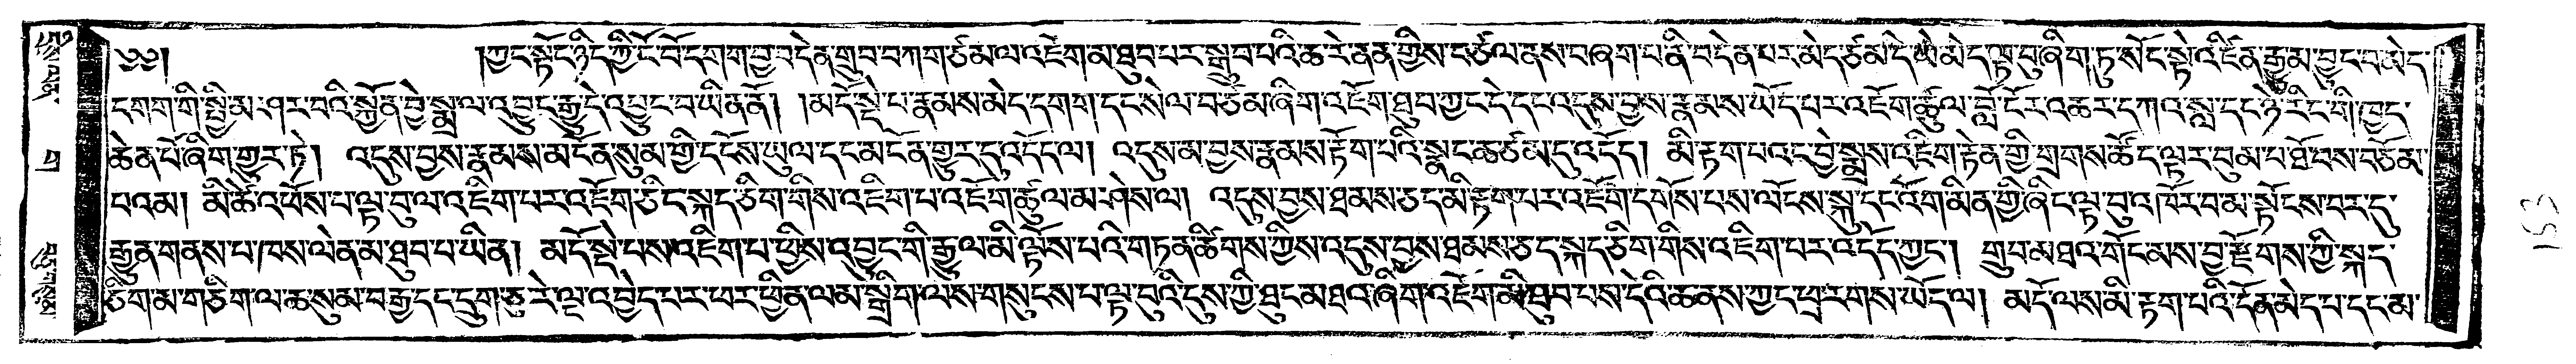༄༅། །ཀྱང་སྟོང་ཉིད་ཀྱི་ངོ་བོ་དགག་བྱ་བདེན་གྲུབ་བཀག་ཙམ་ལ་འཇོག་མ་ཐུབ་པར་སྒྲུབ་པའི་ཆ་རེ་ནན་གྱིས་བཙལ་ནས་བཞག་པ་ནི་བདེན་པར་མེད་ཙམ་དེ་ཡེ་མེད་ལྟ་བུ་ཞིག་ཏུ་སོང་སྟེ་འཛིན་རྒྱུ་མ་བྱུང་བ་མེད་
དགག་གི་སྤྱི་མ་ཤར་བའི་སྐྱོན་བྱེ་སྨྲ་ལ་འབྱུང་རྒྱུ་དེ་འབྱུང་བ་ཡིན་ནོ། །མདོ་སྡེ་པ་རྣམས་མེད་དགག་དང་སེལ་བ་ཙམ་ཞིག་འཇོག་ཐུབ་ཀྱང་དེ་དང་འདུས་བྱས་རྣམས་ཡོད་པར་འཇོག་ཚུལ་བློ་ངོར་འཆར་དཀའ་སླ་དང་ཉེ་རིང་གི་ཁྱད་
ཆེན་པོ་ཞིག་གྱུར་ཏེ། འདུས་བྱས་རྣམས་མངོན་སུམ་གྱི་དངོས་ཡུལ་དང་མངོན་གྱུར་དུ་འདོད་ལ། འདུས་མ་བྱས་རྣམས་རྟོག་པའི་སྣང་ཆ་ཙམ་དུ་འདོད། མི་རྟག་པའང་བྱེ་སྨྲས་འཇིག་རྟེན་གྱི་གྲགས་ཚོད་ལྟར་བུམ་པ་ཐོ་བས་བཅོམ་
པའམ། མི་ཚེ་འཕོས་པ་ལྟ་བུ་ལ་འཇིག་པར་འཇོག་ཅིང་སྐད་ཅིག་གིས་འཇིག་པ་འཇོག་ཚུལ་མ་ཤེས་ལ། འདུས་བྱས་ཐམས་ཅད་མི་རྟག་པར་འཇོག་དགོས་པས་ལོངས་སྐུ་དང་འོག་མིན་གྱི་ཞིང་ལྟ་བུ་འཁོར་བ་མ་སྟོངས་བར་དུ་
རྒྱུན་གནས་པ་ཁས་ལེན་མ་ཐུབ་པ་ཡིན། མདོ་སྡེ་བས་འཇིག་པ་ཕྱིས་འབྱུང་གི་རྒྱུ་ལ་མི་ལྟོས་པའི་གཏན་ཚིགས་ཀྱིས་འདུས་བྱས་ཐམས་ཅད་སྐད་ཅིག་གིས་འཇིག་པར་འདོད་ཀྱང་། གྲུབ་མཐའ་གོང་མས་བྱ་རྫོགས་ཀྱི་སྐད་
ཅིག་མ་གཅིག་ལ་ཆ་སུམ་བརྒྱ་དང་དྲུག་ཅུ་རེ་ལྔ་འབྱེད་པར་ཕར་ཕྱིན་ལམ་སྒྲིག་ལས་གསུངས་པ་ལྟ་བུའི་དུས་ཀྱི་ཐུང་མཐའ་ཞིག་འཇོག་མི་ཐུབ་པས་དེའི་ཆ་ནས་ཀྱང་ཕྲ་རགས་ཡོད་ལ། མདོ་ལས་མི་རྟག་པའི་དོན་མེད་པ་དང་མ་